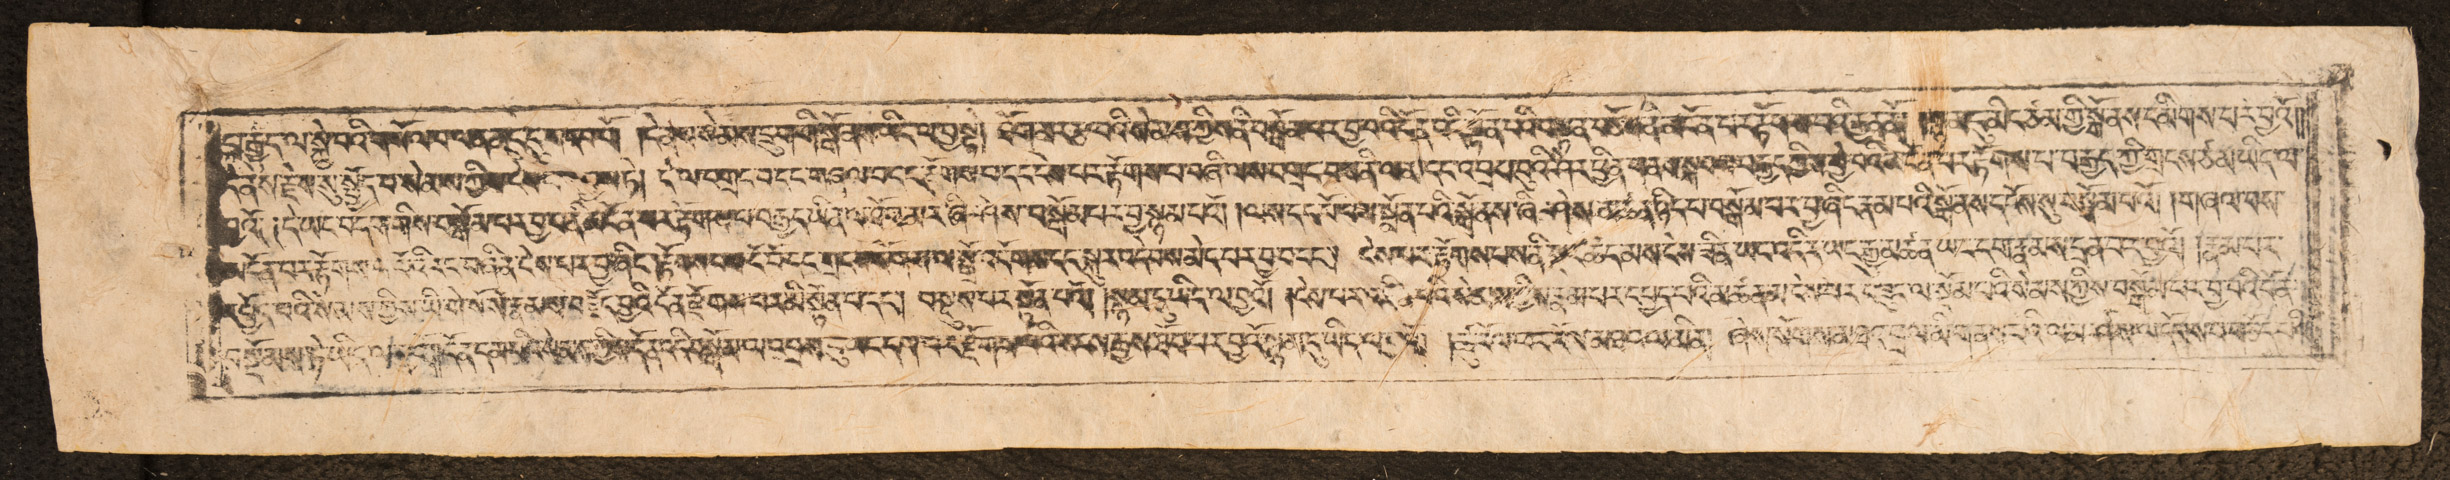པ་རྒྱུད་ལ་སྐྱེ་བའི་གསོལ་བ་ལན་མང་དུ་གདབ་བོ། །དེ་ནས་སེམས་དྲུག་གི་སྒོ་ནས་ཡིད་ལ་བྱ་སྟེ། ཐོག་མར་རྩ་བའི་སེམས་ཀྱིས་ནི་བསྒོམ་པར་བྱ་བའི་དོན་འདི་སྟོན་པའི་བསྟན་བཅོས་ནི་མངོན་པར་རྟོགས་པའི་རྒྱན་ནོ། །སྙམ་དུ་མིང་ཙམ་གྱི་སྒོ་ནས་དམིགས་པར་བྱའོ།།
དེ་ནས་རྗེས་སུ་སྤྱོད་པ་སེམས་ཀྱིས་ངེས་པར་བྱས་ཏེ། དེ་ལ་བགྲང་བ་དང་གཞལ་བ་དང་རྟོགས་པ་དང་ངེས་པར་རྟོགས་པ་བཞི་ལས་བགྲང་བས་ནི་ལམ་དང་འབྲས་བུའི་ཤེར་ཕྱིན་གནས་སྐབས་བརྒྱད་ཀྱིས་ཕྱེ་བའི་མངོན་པར་རྟོགས་པ་བརྒྱད་ཀྱི་གྲངས་ཅམ་?་ཡིད་ལ་
བྱའོ། །དེ་ཡང་བདག་གིས་བསྒོམ་པར་བྱ་བ་ནི་མངོན་པར་རྟོགས་པ་བརྒྱད་ཡིན་ལ་ཐོག་མར་ཞི་ཤེས་བསྒོམ་པར་བྱ་སྙམ་པའོ། །ལས་དང་པོ་པས་སྨོན་པའི་སྒོ་ནས་ཞི་ཤེས་མཚན་ཉིད་པ་བསྒོམ་པར་བྱ་ཞིང་རྣམ་པའི་སྒོ་ནས་དངོས་སུ་བསྒོམ་པའོ། །གཞལ་བས་
མངོན་པར་རྟོགས་པ་པོའི་རང་བཞིན་ངེས་པར་བྱ་ཞིང་། རྟོགས་པས་ངོ་བོ་དང་གྲངས་སོགས་ལ་སྒྲོ་འདོགས་དང་སྐུར་འདེབས་མེད་པར་བྱ་བ་དང་། ངེས་པར་རྟོགས་པས་ནི་སྔར་ཚད་མས་ངེས་ཟིན་ཡང་འདིར་ཡང་རྒྱུ་མཚན་ཡང་དག་རྣམས་དྲན་པར་བྱའོ། །རྣམ་པར་
དཔྱོད་པའི་སེམས་ཀྱིས་ཡི་གེ་སོ་སོ་རྣམས་བརྗོད་བྱའི་དོན་རྫོགས་པར་མི་སྟོན་པ་དང་། བསྡུས་པར་སྟོན་པའོ། །སྙམ་དུ་ཡིད་ལ་བྱའོ། །ངེས་པར་འཛིན་པའི་སེམས་ཀྱིས་རྣམ་པར་དཔྱད་པའི་མཚན་མ་ངེས་པར་བཟུང་ལ་སྡོམ་པའི་སེམས་ཀྱིས་བསྒོམ་པར་བྱ་བའི་དོན་
བསྡོམས་ཏེ་ཡིད་ལ་བྱའོ། །དོན་དམ་པའི་སེམས་ཀྱིས་དོན་འདི་བསྒོམ་ལ་འབྲས་བུ་ཡང་དག་པར་རྫོགས་པའི་སངས་རྒྱས་ཐོབ་པར་བྱའོ་སྙམ་དུ་ཡིད་ལ་བྱའོ། །ཚུ་རོལ་ཕར་རོལ་མཐའ་ལ་མིན། ཞེས་སོགས་མཐའ་བྲལ་མི་གནས་པའི་ལམ་ཤེས་ལ་དོགས་པ་གཅོད་པའི་